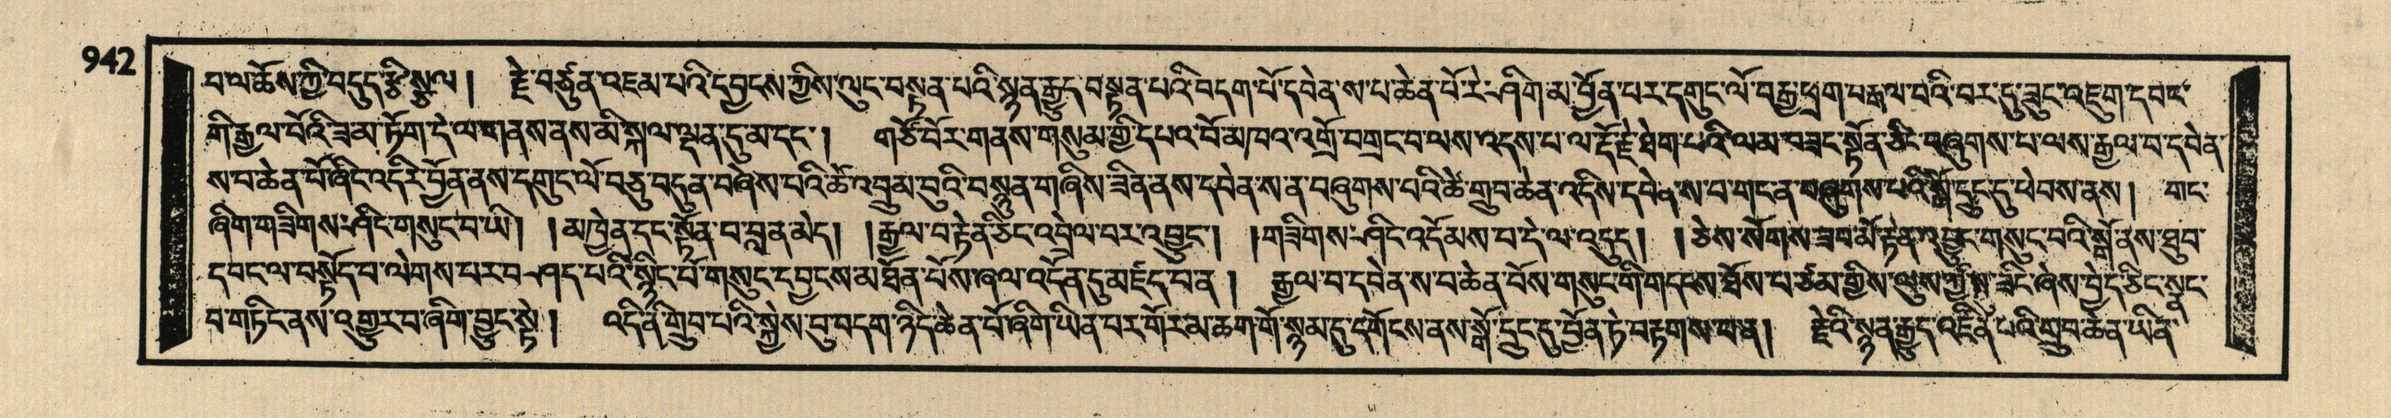བ་ལ་ཆོས་ཀྱི་བདུད་རྩི་སྩལ། རྗེ་བཙུན་འཇམ་པའི་དབྱངས་ཀྱིས་ལུང་བསྟན་པའི་སྙན་རྒྱུད་བསྟན་པའི་བདག་པོ་དབེན་ས་པ་ཆེན་པོ་རེ་ཤིག་མ་བྱོན་པར་དགུང་ལོ་བརྒྱ་ཕྲག་བརྒལ་བའི་བར་དུ་ཟུང་འཇུག་དབང་
གི་རྒྱལ་བོའི་ཟ་མ་ཏོག་དེ་ལ་གནས་ནས་མི་སྐལ་ལྡན་དུ་མ་དང་། གཙོ་བོར་གནས་གསུམ་གྱི་དཔའ་བོ་མཁའ་འགྲོ་བགྲང་བ་ལས་འདས་པ་ལ་རྡོ་རྗེ་ཐེག་པའི་ལམ་བཟང་སྟོན་ཅིང་བཞུགས་པ་ལས་རྒྱལ་བ་དབེན་
ས་བ་ཆེན་པོ་ཞིང་འདིར་བྱོན་ནས་དགུང་ལོ་བཅུ་བདུན་བཞེས་པའི་ཚེ་འབྲུམ་བུའི་བསྙུན་གཞིས་ཟིན་ནས་དབེན་ས་ན་བཞུགས་པའི་ཚེ་གྲུབ་ཆེན་འདིས་དབེན་ས་བ་གང་ན་བཞུགས་པའི་སྒོ་དྲུང་དུ་ཕེབས་ནས། གང་
ཞིག་གཟིགས་ཤིང་གསུང་བ་ཡི། །མཁྱེན་དང་སྟོན་བ་བླ་ན་མེད། །རྒྱལ་བརྟེན་ཅིང་འབྲེལ་བར་འབྱུང་། །གཟིགས་ཤིང་འདོམས་པ་དེ་ལ་འདུད། །ཅེས་སོགས་ཟབ་མོ་རྟེན་འབྱུང་གསུང་བའི་སྒོ་ནས་ཐུབ་
དབང་ལ་བསྟོད་བ་ལེགས་པར་བཤད་པའི་སྙིང་པོ་གསུང་དབྱངས་མཐོན་པོས་ཞལ་འདོན་དུ་མཛད་བ་ན། རྒྱལ་བ་དབེན་ས་བ་ཆེན་པོས་གསུང་གི་གདངས་ཐོས་པ་ཙམ་གྱིས་ལུས་ཀྱི་སྤུ་ཟིང་ཞེས་བྱེད་ཅིང་སྣང་
བ་གཏིང་ནས་འགྱུར་བ་ཞིག་བྱུང་སྟེ། འདི་ནི་གྲུབ་པའི་སྐྱེས་བུ་བདག་ཉིད་ཆེན་པོ་ཞིག་ཡིན་པར་གོར་མ་ཆག་གོ་སྙམ་དུ་དགོངས་ནས་སྒོ་དྲུང་དུ་བྱོན་ཏེ་བརྟགས་པ་ན། རྗེའི་སྙན་རྒྱུད་འཛིན་པའི་གྲུབ་ཆེན་ཡིན་